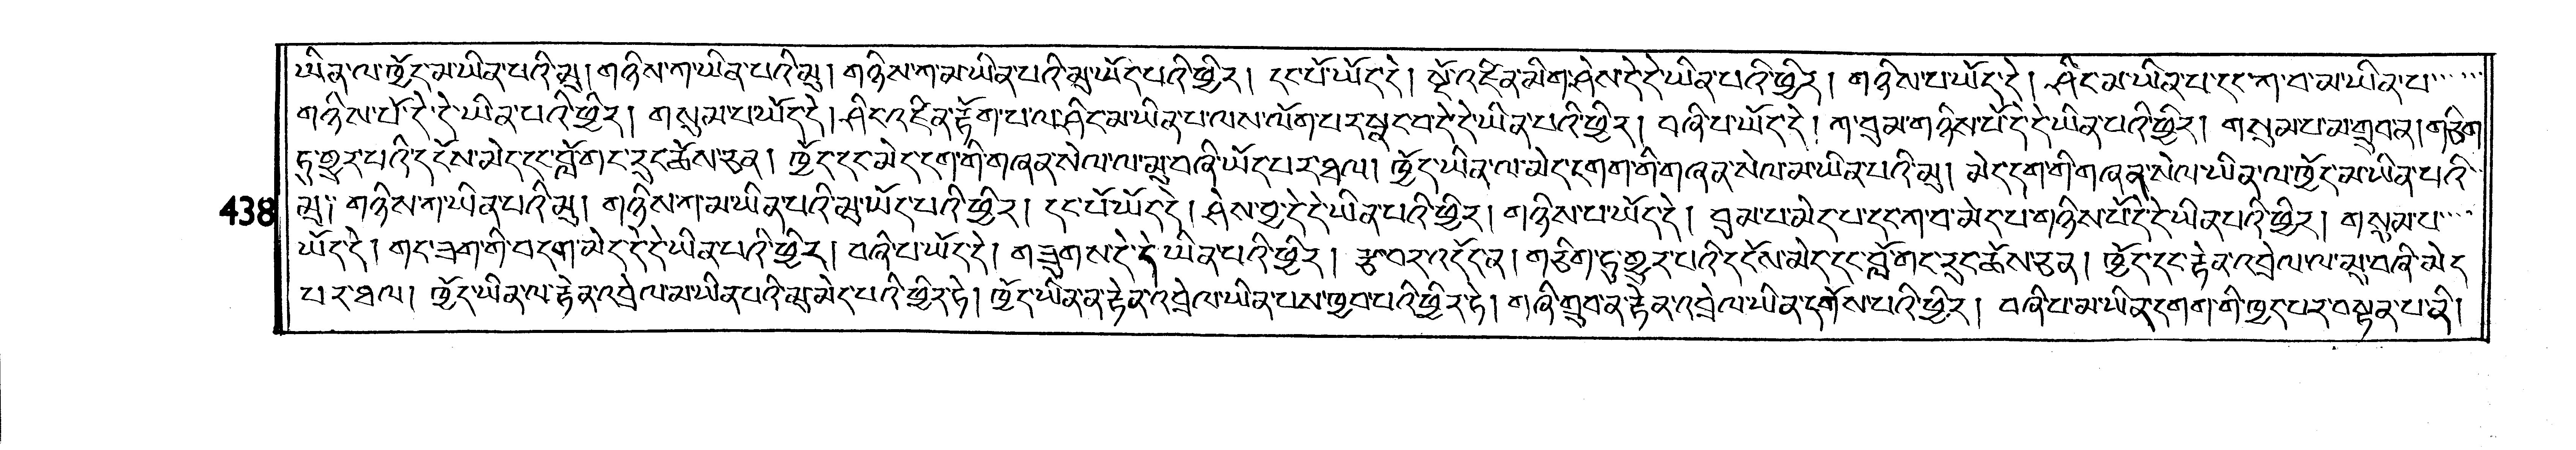ཡིན་ལ་ཁྱོད་མ་ཡིན་པའི་མུ། གཉིས་ཀ་ཡིན་པའི་མུ། གཉིས་ཀ་མ་ཡིན་པའི་མུ་ཡོད་པའི་ཕྱིར། དང་པོ་ཡོད་དེ། སྔོ་འཛིན་མི་གཤེགས་དེ་དེ་ཡིན་པའི་ཕྱིར། གཉིས་པ་ཡོད་དེ། ཤིང་མ་ཡིན་པ་དང་ཀ་བ་མ་ཡིན་པ་
གཉིས་པོ་དེ་དེ་ཡིན་པའི་ཕྱིར། གསུམ་པ་ཡོད་དེ། ཤིང་འཛིན་རྟོག་པ་ལ་ཤིག་མ་ཡིན་པ་ལས་ལོག་པར་སྣང་བ་དེ་དེ་ཡིན་པའི་ཕྱིར། བཞི་པ་ཡོད་དེ། ཀ་བུམ་གཉིས་པོ་དེ་དེ་ཡིན་པའི་ཕྱིར། གསུམ་པ་མ་གྲུབ་ན། གཅིག་
ཏུ་གྱུར་པའི་དངོས་མེད་དང་བློ་གང་རུང་ཆོས་ཅན། ཁྱོད་དང་མེད་དག་གི་གཞན་སེལ་ལ་མུ་བཞི་ཡོད་པར་ཐལ། ཁྱོད་ཡིན་ལ་མེད་དགག་གི་གཞན་སེལ་མ་ཡིན་པའི་མུ། མེད་དག་གི་གཞན་སེལ་ཡིན་ལ་ཁྱོད་མ་ཡིན་པའི་
མུ༑ གཉིས་ཀ་ཡིན་པའི་མུ། གཉིས་ཀ་མ་ཡིན་པའི་མུ་ཡོད་པའི་ཕྱིར། དང་པོ་ཡོད་དེ། ཤེས་བྱ་དེ་དེ་ཡིན་པའི་ཕྱིར། གཉིས་པ་ཡོད་དེ། བུམ་པ་མེད་པ་དང་ཀ་བ་མེད་པ་གཉིས་པོ་དེ་དེ་ཡིན་པའི་ཕྱིར། གསུམ་པ་
ཡོད་དེ། གང་ཟག་གི་བདག་མེད་དེ་དེ་ཡིན་པའི་ཕྱིར། བཞི་པ་ཡོད་དེ། གཟུགས་དེ་དེ་ཡིན་པའི་ཕྱིར། རྩ་བར་འདོད་ན། གཅིག་ཏུ་གྱུར་པའི་དངོས་མེད་དང་བློ་གང་རུང་ཆོས་ཅན། ཁྱོད་དང་རྟེན་འབྲེལ་ལ་མུ་བཞི་མེད་
པར་ཐལ། ཁྱོད་ཡིན་ལ་རྟེན་འབྲེལ་ལ་མ་ཡིན་པའི་མུ་མེད་པའི་ཕྱིར་ཏེ། ཁྱོད་ཡིན་ན་རྟེན་འབྲེལ་ཡིན་པས་ཁྱབ་པའི་ཕྱིར་ཏེ། གཞི་གྲུབ་ན་རྟེན་འབྲེལ་ཡིན་དགོས་པའི་ཕྱིར། བཞི་པ་མ་ཡིན་དགག་གི་ཁྱད་པར་བསྟན་པ་ནི།